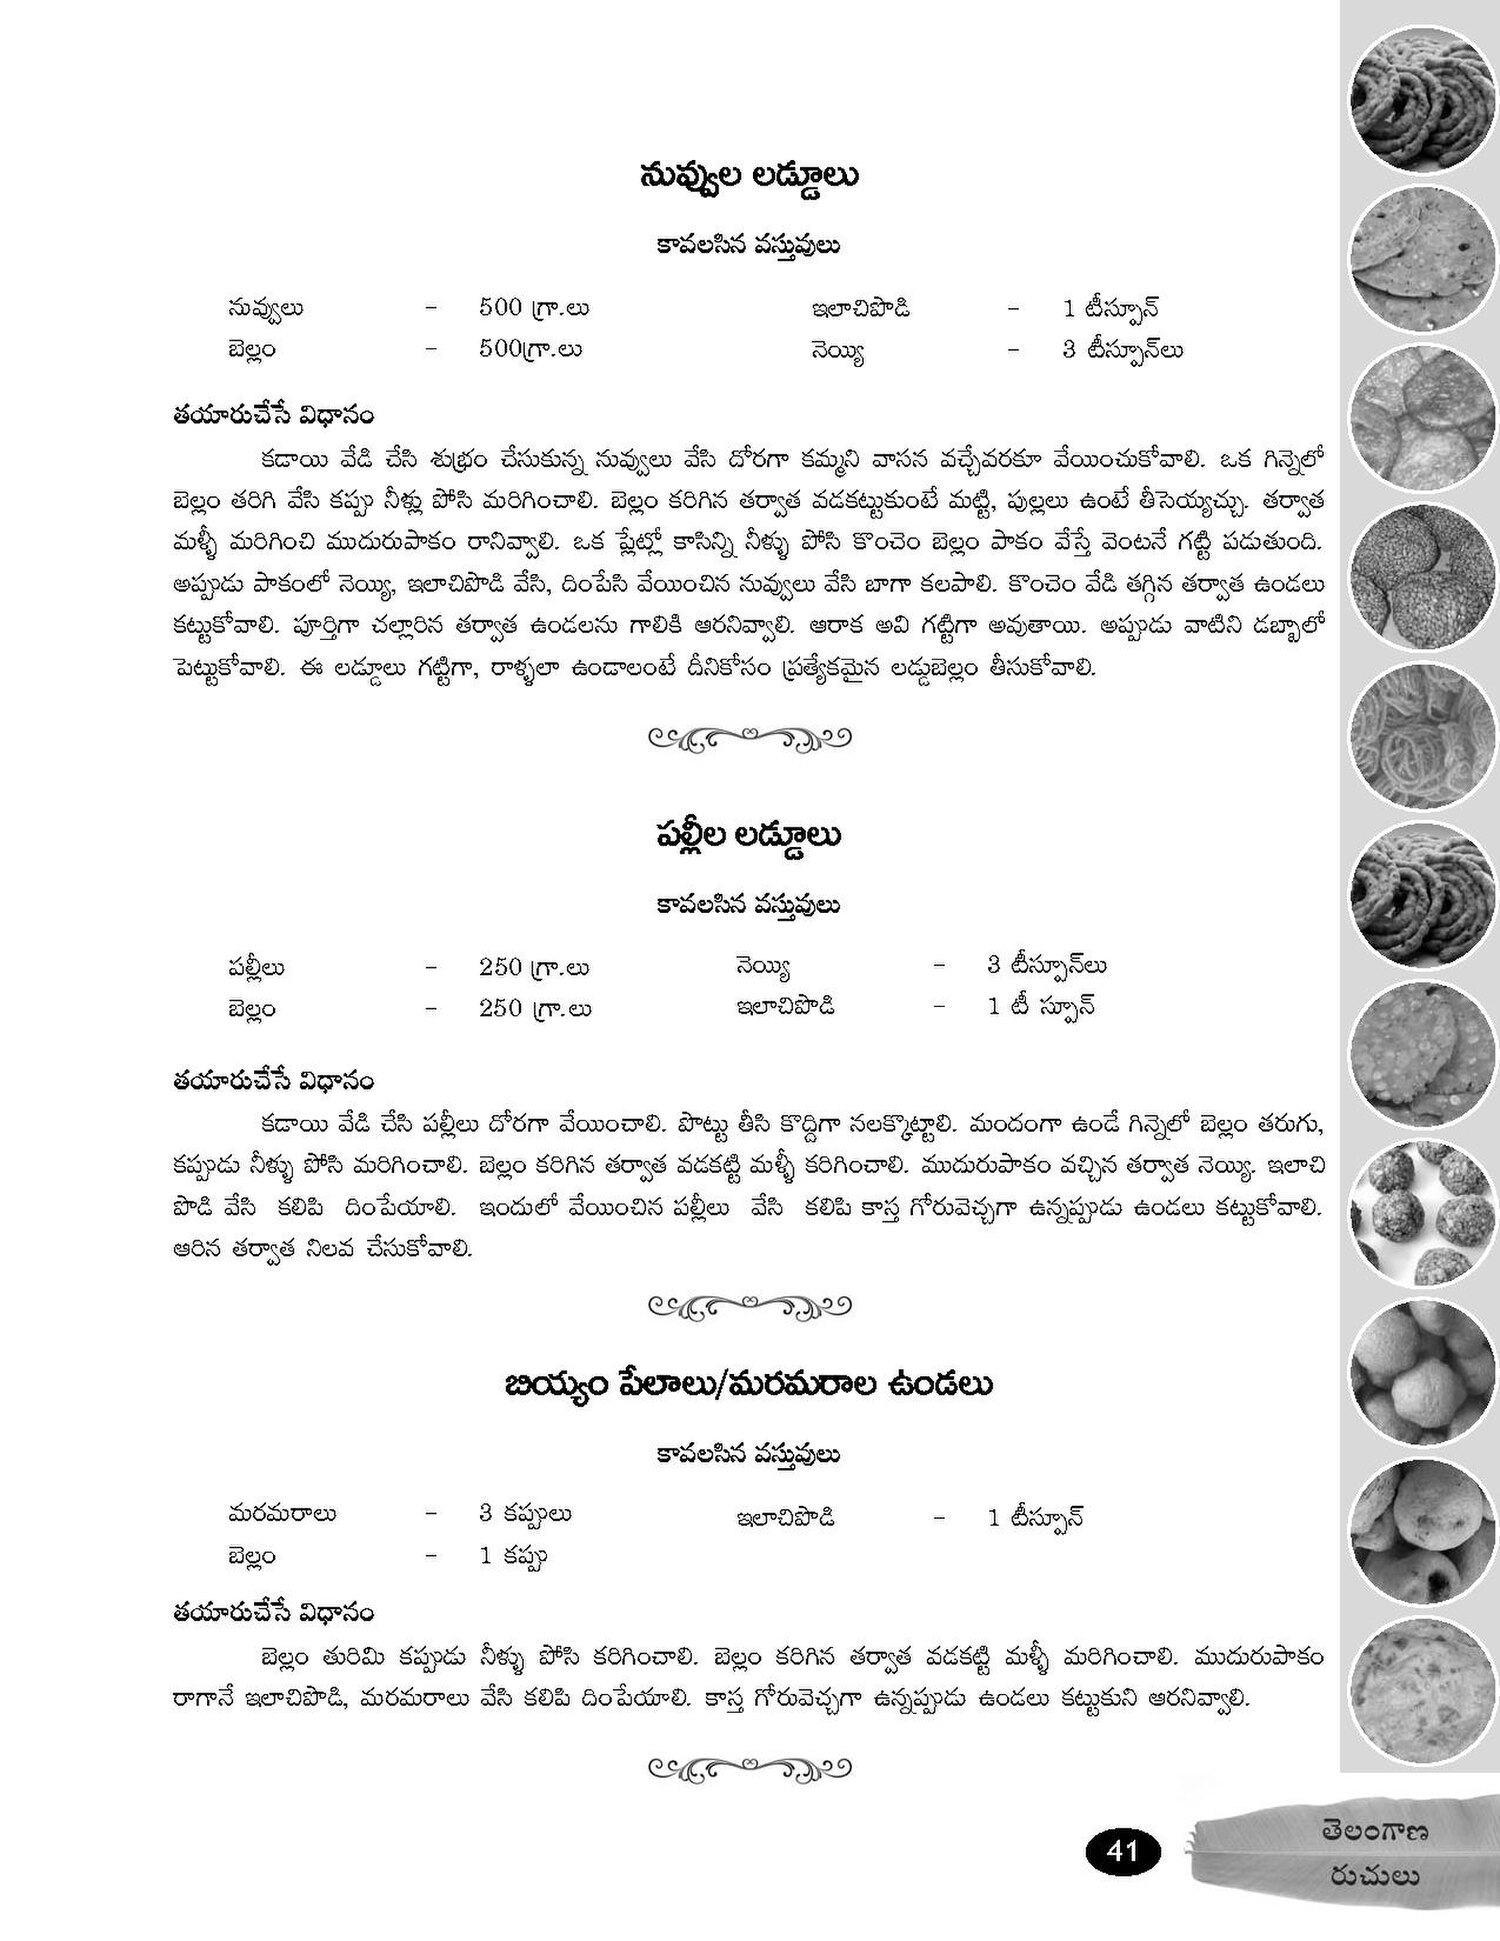+ కావలసిన వస్తువులు నువ్వులు 500 గ్రా. లు నెయ్యి 3 టీస్పూన్లు బెల్లం 500 గ్రా.లు ఇలాచి పొడి 1 టీస్పూన్ 

తయారుచేసే విధానం 

కడాయి వేడి చేసి శుభ్రం చేసుకున్న నువ్వులు వేసి దోరగా కమ్మని వాసన వచ్చేవరకూ వేయించుకోవాలి. ఒక గిన్నెలో
బెల్లం తరిగి వేసి కప్పు నీళ్లు పోసి మరిగించాలి. బెల్లం కరిగిన తర్వాత వడకట్టుకుంటే మట్టి, పుల్లలు ఉంటే తీసెయ్యచ్చు. తర్వాత మళ్ళీ మరిగించి ముదురుపాకం రానివ్వాలి. ఒక ప్లేట్లో కాసిన్ని నీళ్ళు పోసి కొంచెం బెల్లం పాకం వేస్తే వెంటనే గట్టి పడుతుంది. అప్పుడు పాకంలో నెయ్యి, ఇలాచి పొడి వేసి, దింపేసి వేయించిన నువ్వులు వేసి బాగా కలపాలి. కొంచెం వేడి తగ్గిన తర్వాత ఉండలు కట్టుకోవాలి. పూర్తిగా చల్లారిన తర్వాత ఉండలను గాలికి ఆరనివ్వాలి. ఆరాక అవి గట్టిగా అవుతాయి. అప్పుడు వాటిని డబ్బాలో పెట్టుకోవాలి. ఈ లడ్డూలు గట్టిగా, రాళ్ళలా ఉండాలంటే దీనికోసం ప్రత్యేకమైన లడ్డుబెల్లం తీసుకోవాలి.

+ కావలసిన వస్తువులు పల్లీలు 250 గ్రా.లు నెయ్యి 1 టీస్పూన్లు బెల్లం 250 గ్రా.లు ఇలాచి పొడి 1 టీస్పూన్ 

తయారుచేసే విధానం 

కడాయి వేడి చేసి పల్లీలు దోరగా వేయించాలి. పొట్టు తీసి కొద్దిగా నలక్కొట్టాలి. మందంగా ఉండే గిన్నెలో బెల్లం తరుగు,
కప్పుడు నీళ్ళు పోసి మరిగించాలి. బెల్లం కరిగిన తర్వాత వడకట్టి మళ్ళీ కరిగించాలి. ముదురుపాకం వచ్చిన తర్వాత నెయ్యి. ఇలాచి పొడి వేసి కలిపి దింపేయాలి. ఇందులో వేయించిన పల్లీలు వేసి కలిపి కాస్త గోరువెచ్చగా ఉన్నప్పుడు ఉండలు కట్టుకోవాలి. ఆరిన తర్వాత నిలవ చేసుకోవాలి.

+ కావలసిన వస్తువులు మరమరాలు 3 కప్పులు బెల్లం 1 కప్పు ఇలాచి పొడి 1 టీస్పూన్ 

తయారుచేసే విధానం 

బెల్లం తురిమి కప్పుడు నీళ్ళు పోసి కరిగించాలి. బెల్లం కరిగిన తర్వాత వడకట్టి మళ్ళీ మరిగించాలి. ముదురుపాకం
రాగానే ఇలాచిపొడి, మరమరాలు వేసి కలిపి దింపేయాలి. కాస్త గోరువెచ్చగా ఉన్నప్పుడు ఉండలు కట్టుకుని ఆరనివ్వాలి.